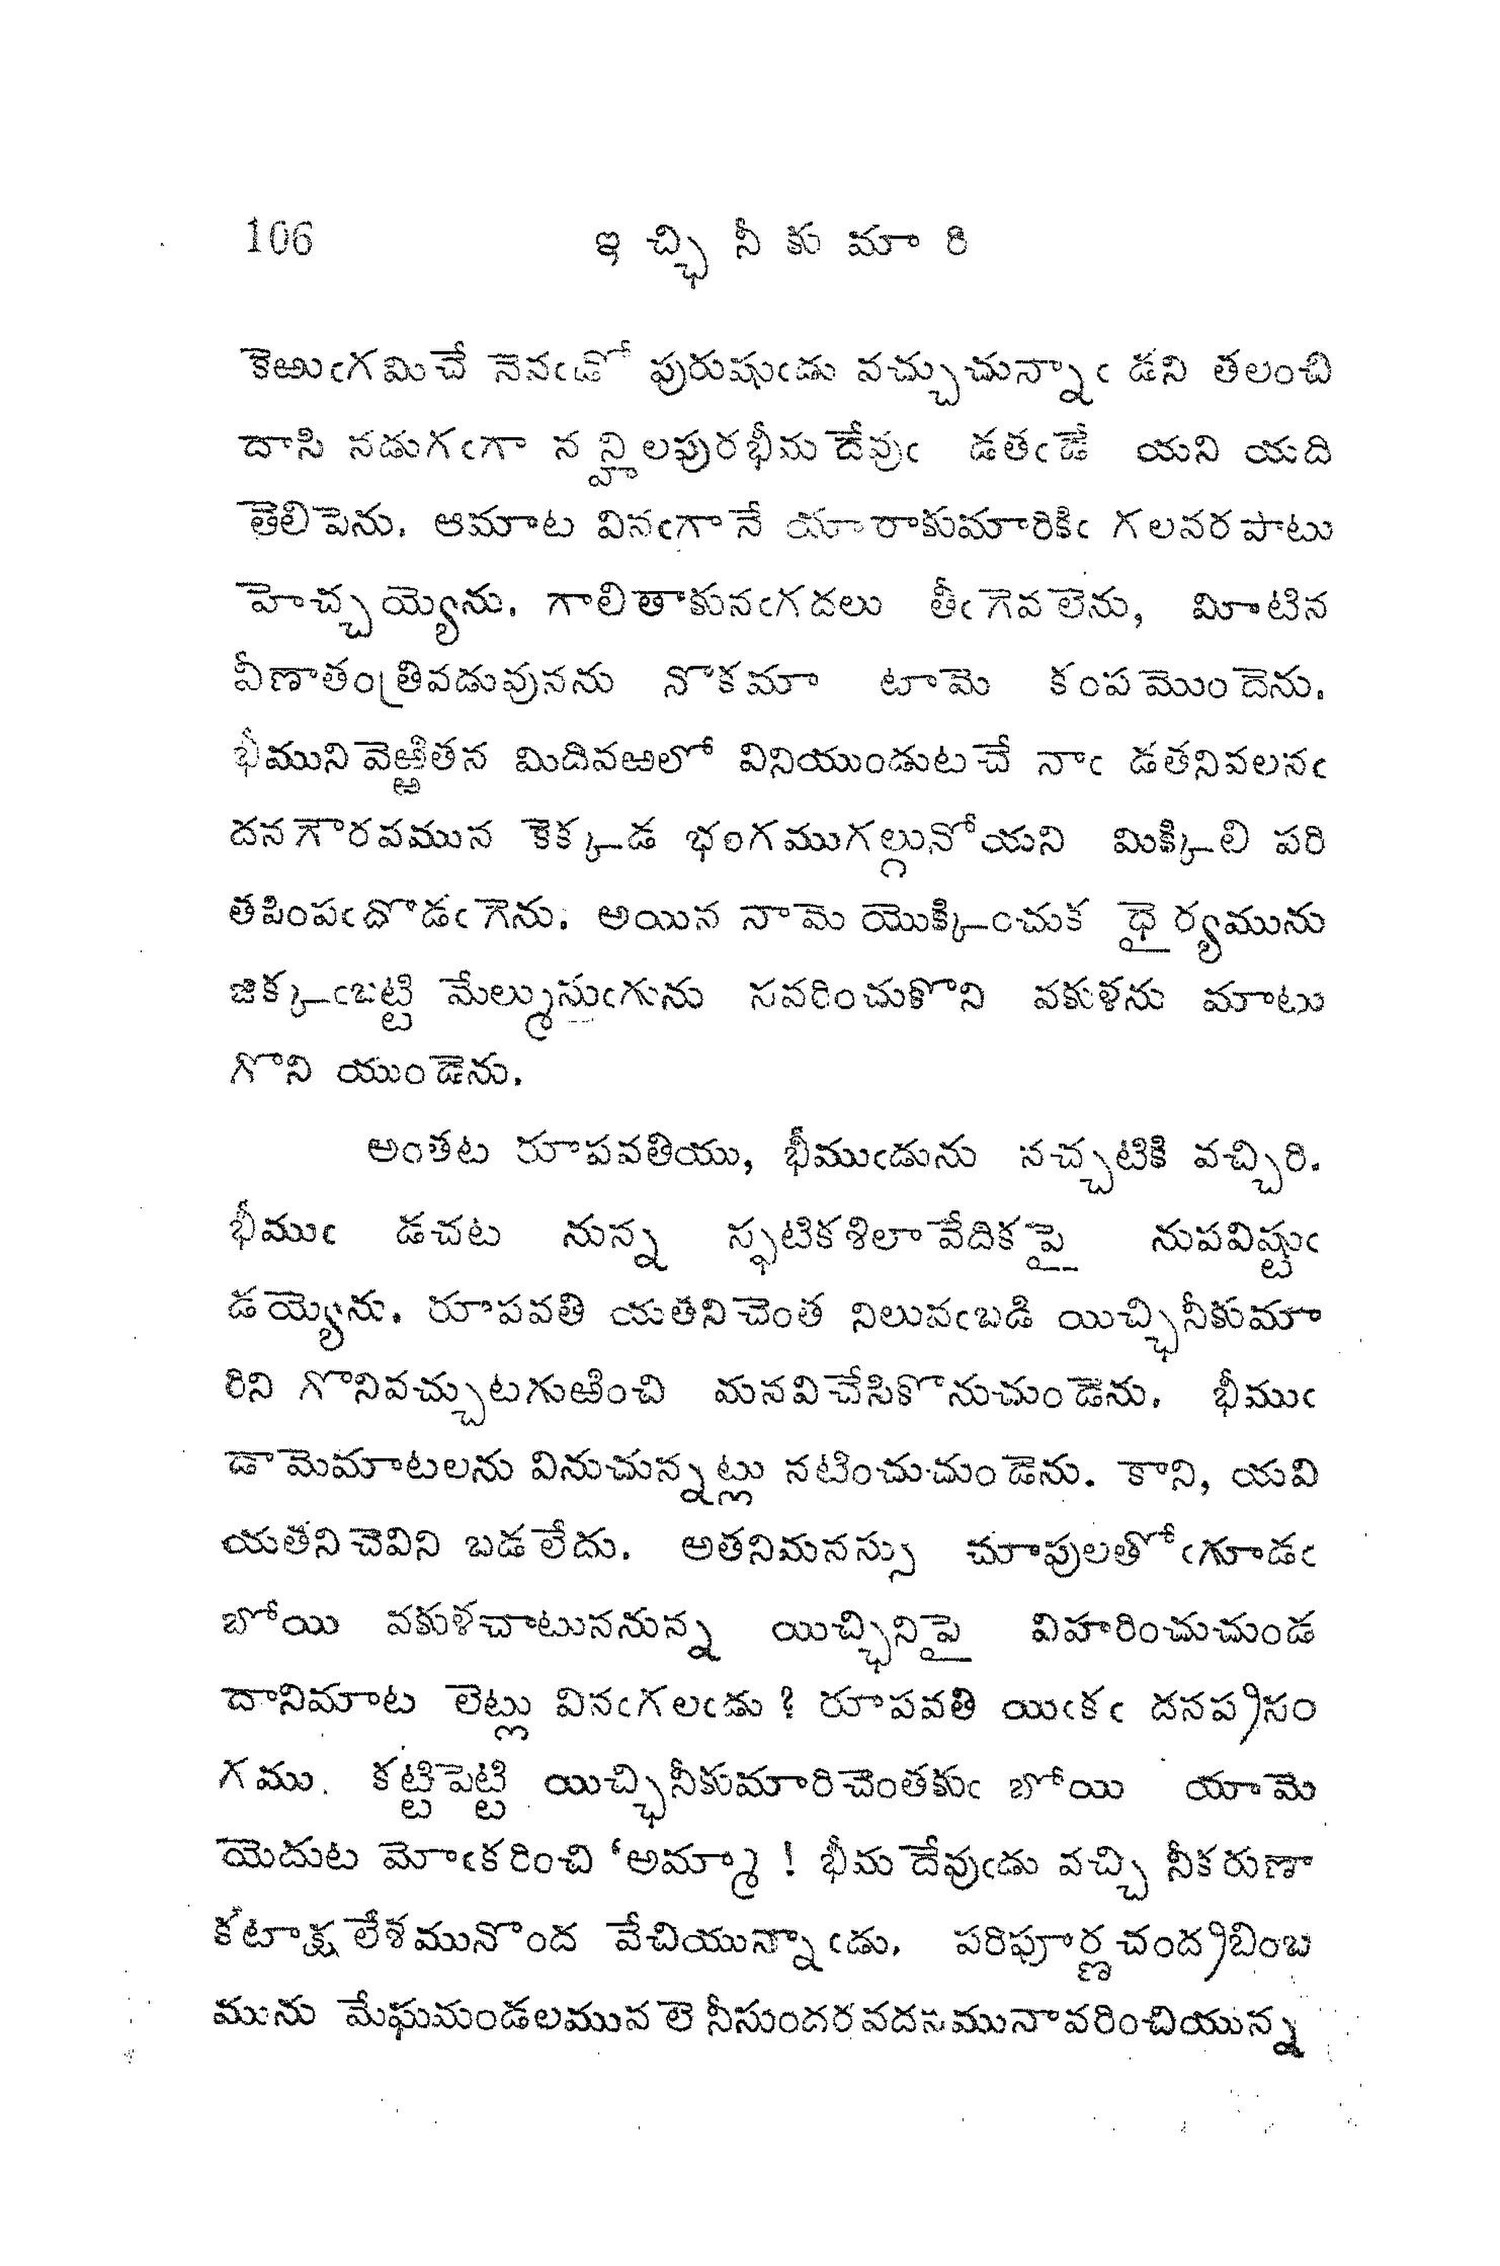టామె కెఱుఁగమిచే నేనంలో పురుషుఁడు నచ్చుచున్నాఁ డని తలంచి దాసి నడుగఁగా నంహిలపుర భీమ దేవుఁ డతఁడే యని యది తెలిపెను, ఆమాట వినగానే యారాకుమారికిఁ గలవర పాటు హెచ్చయ్యెను, గాలి తాకునఁగదలు తీగేవ లెను, వాటిన వీణాతంత్రివడువునను నొకమాటామె కంప మొందెను. భీముని వెర్రితన మిదివరలో వినియుండుట చే నాఁ డతనివలనఁ దన గౌరవమున కెక్కడ భంగముగల్గునోయని మిక్కిలి పరి తపింపఁ దొడగెను. అయిన నామె యొక్కంచుక ధైర్యమును జక్క ఒట్టి "మేల్ముసుఁగును సవరించుకొని వకుళను మాటు గొని యుండెను,

అంతట రూపవతీయు, భీముఁడును నచ్చటికి వచ్చిరి. భీముఁ డచట నున్న స్ఫటిక శిలా వేదిక పై నుపవిష్టుఁ డయ్యెను. రూపవతీ యుతని చెంత నిలువఁబడి యిచ్ఛినీకుమా రిని గొనివచ్చుట గుఱించి మనవి చేసికొనుచుండెను. భీముఁ డా మెమాటలను వినుచున్నట్లు నటించు చుండెను. కాని, యవి యతని చెవిని బడ లేదు. అతనిమనస్సు చూపులతోఁ గూడ బోయి వకుళ చాటుననున్న యిచ్ఛిని పై విహరించుచుండ దానిమాట లెట్లు వినఁగలఁడు ? రూపవతి యిఁకఁ దనప్రసం గము. కట్టి పెట్టి యిచ్ఛినీకుమారి చెంతకుఁ బోయి "యెదుట మోకరించి 'అమ్మా ! భీమ దేవుఁడు వచ్చి నీకరుణా కటాక్ష లేశము నొంద వేచియున్నాడు. పరిపూర్ణ చంద్రబింబ మఃను మేఘమండలమున లె నీసుందర వదనము నావరించియున్న